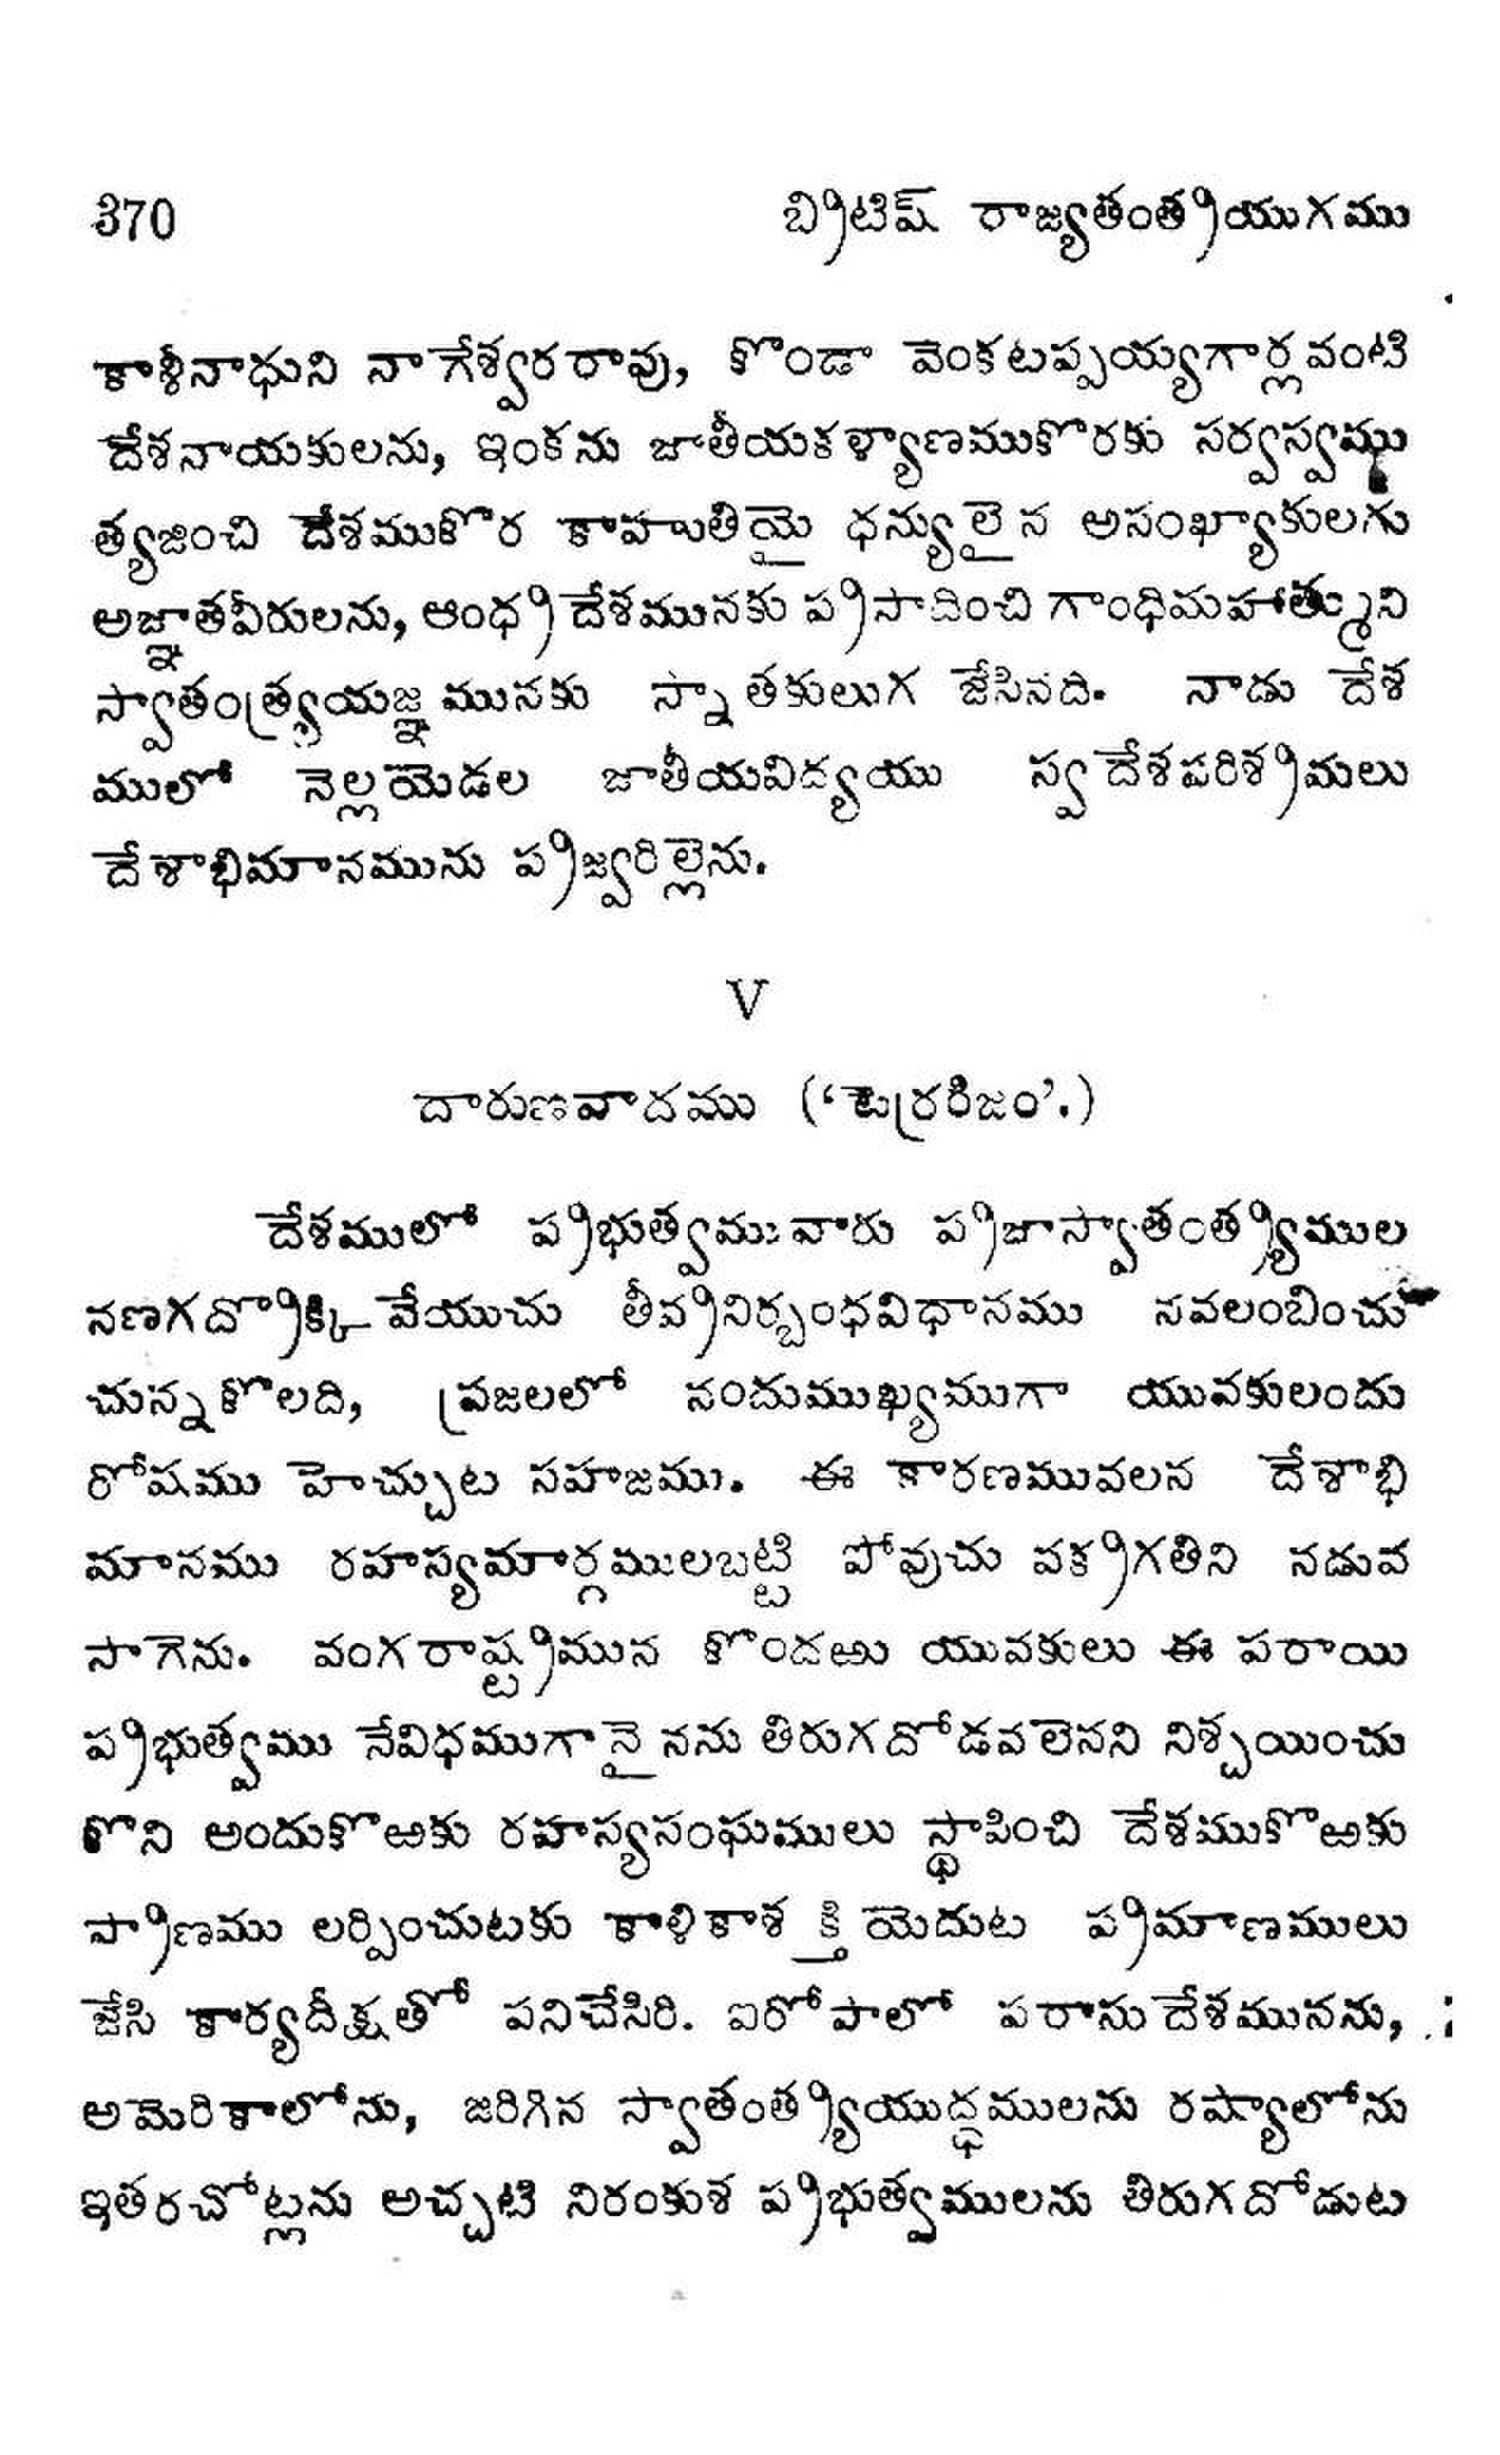కాశీనాధుని నాగేశ్వరరావు, కొండా వెంకటప్పయ్యగార్లవంటి దేశనాయకులను, ఇంకను జాతీయకళ్యాణముకొరకు సర్వస్వము త్యజించి దేశముకొర కాహుతియై ధన్యులైన అసంఖ్యాకులగు అజ్ఞాతవీరులను, ఆంధ్రదేశమునకు ప్రసాదించి గాంధిమహాత్ముని స్వాతంత్ర్యయజ్ఞమునకు స్నాతకులుగ జేసినది. నాడు దేశములో నెల్లయెడల జాతీయవిద్యయు స్వదేశపరిశ్రమలు దేశాభిమానమును ప్రజ్వరిల్లెను.

V
దారుణవాదము ('టెర్రరిజం'.) 

దేశములో ప్రభుత్వమువారు ప్రజాస్వాతంత్ర్యముల నణగద్రొక్కి వేయుచు తీవ్రనిర్బంధవిధానము నవలంబించుచున్న కొలది, ప్రజలలో నందుముఖ్యముగా యువకులందు రోషము హెచ్చుట సహజము. ఈ కారణమువలన దేశాభిమానము రహస్యమార్గములబట్టి పోవుచు వక్రగతిని నడువసాగెను. వంగరాష్ట్రమున కొందఱు యువకులు ఈ పరాయి ప్రభుత్వము నేవిధముగానైనను తిరుగదోడవలెనని నిశ్చయించుకొని అందుకొఱకు రహస్యసంఘములు స్థాపించి దేశముకొఱకు ప్రాణము లర్పించుటకు కాళికాశక్తియెదుట ప్రమాణములు జేసి కార్యదీక్షతో పనిచేసిరి. ఐరోపాలో పరాసుదేశమునను, అమెరికాలోను, జరిగిన స్వాతంత్ర్యయుద్ధములను రష్యాలోను ఇతరచోట్లను అచ్చటి నిరంకుశ ప్రభుత్వములను తిరుగదోడుట